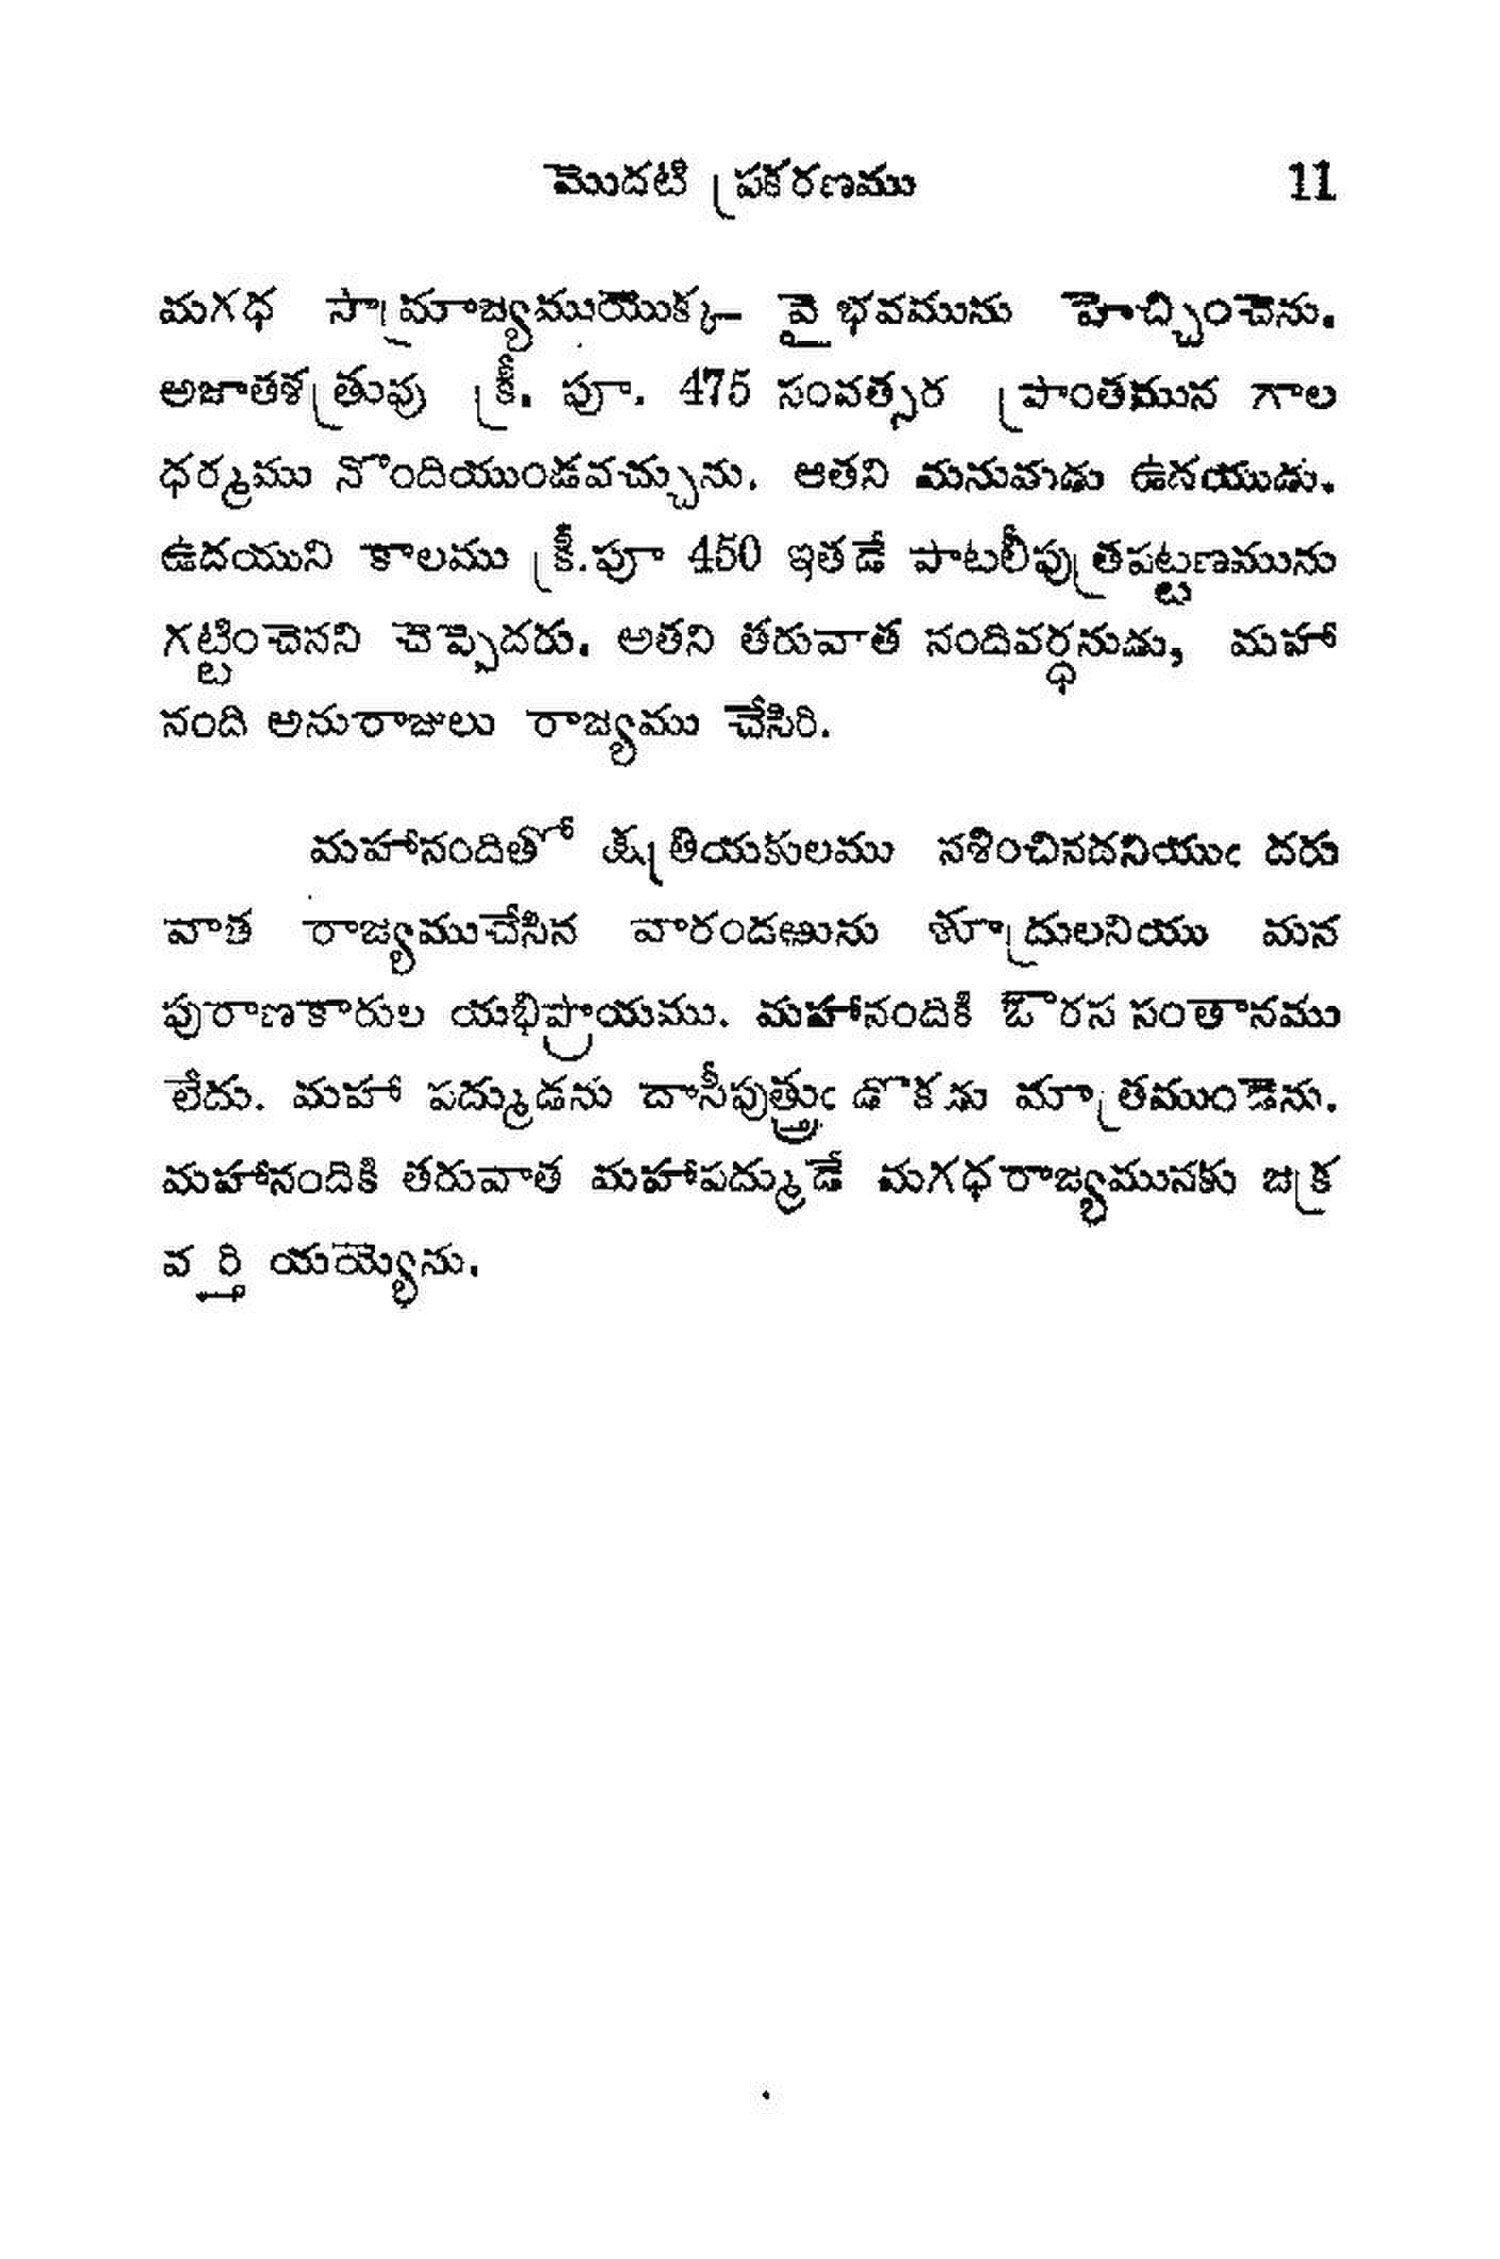మగధ సామ్రాజ్యముయొక్క వైభవమును హెచ్చించెను. అజాతశత్రువు క్రీ. పూ. 475 సంవత్సర ప్రాంతమున గాల ధర్మము నొందియుండవచ్చును. ఆతని మనుమడు ఉదయుడు. ఉదయుని కాలము క్రీ.పూ 450 ఇతడే పాటలీపుత్రపట్టణమును గట్టించెనని చెప్పెదరు. అతని తరువాత నందివర్ధనుడు, మహానంది అనురాజులు రాజ్యము చేసిరి.

మహానందితో క్షత్రియకులము నశించినదనియుఁ దరువాత రాజ్యముచేసిన వారందఱును శూద్రులనియు మన పురాణకారుల యభిప్రాయము. మహానందికి ఔరస సంతానము లేదు. మహా పద్ముడను దాసీపుత్తుఁ డొకడు మాత్రముండెను. మహానందికి తరువాత మహాపద్ముడే మగధరాజ్యమునకు జక్రవర్తి యయ్యెను.